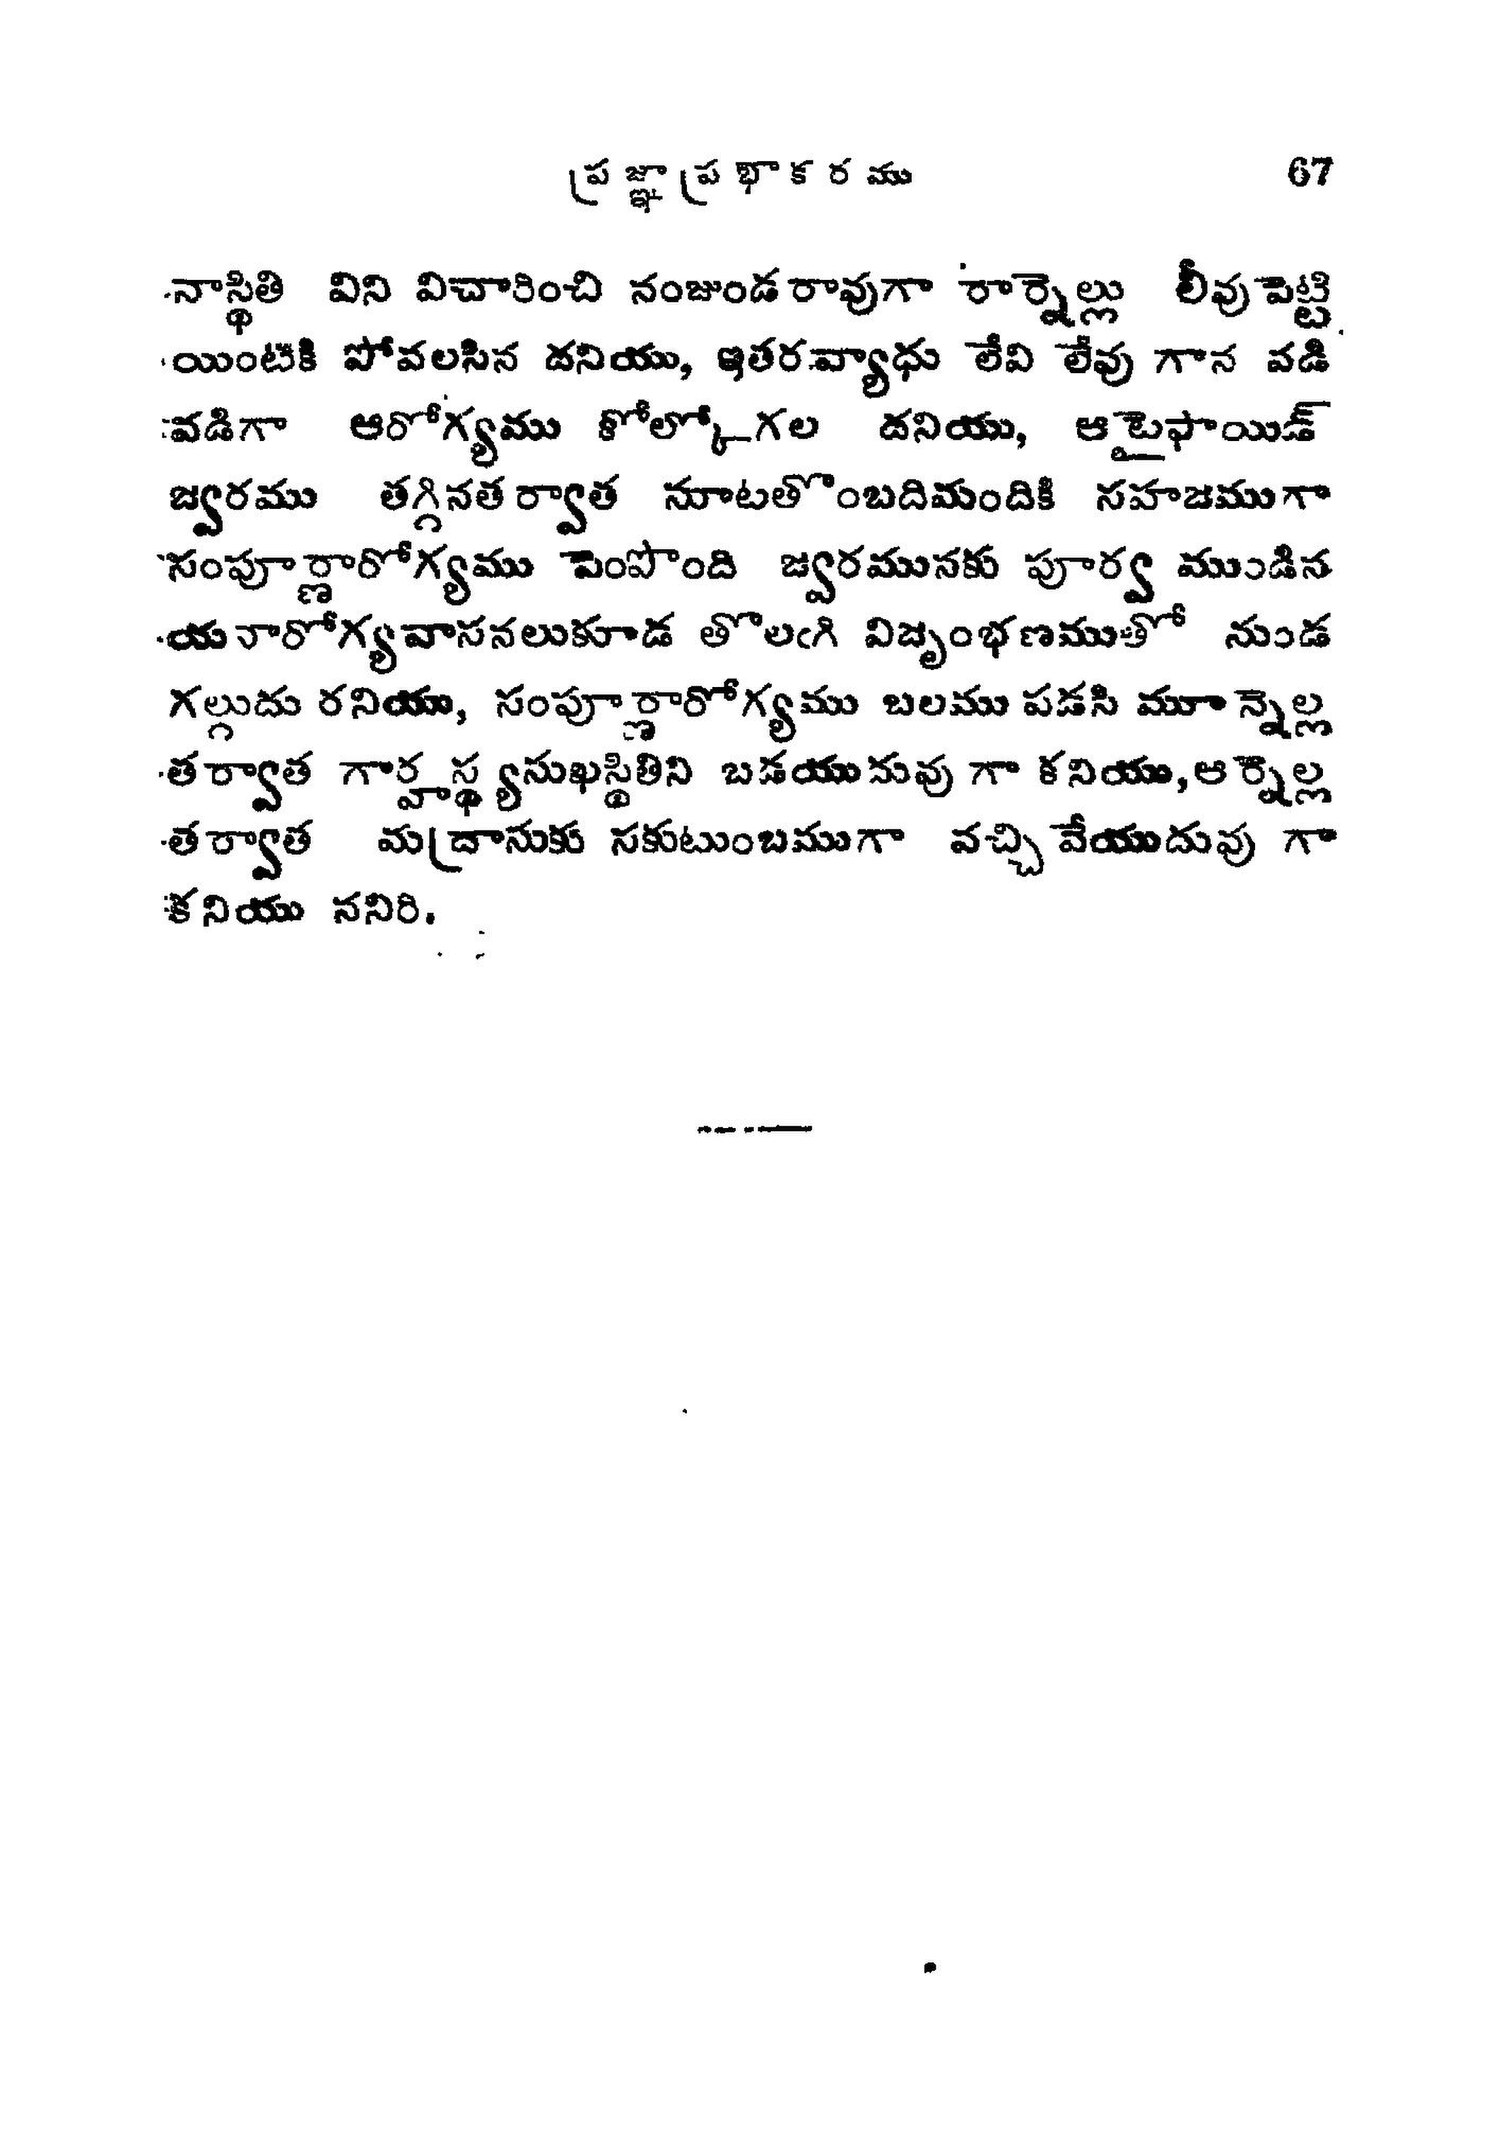నాస్థితి విని నంజుండ రావుగా రార్నేల్లు లీవుపెట్టి యింటికి పోవలసి దనియు, ఇతర వ్యాధు లేవి లేవు గాన వడివడిగా ఆరోగ్యము కోల్కోగల దనియు, ఆ టైఫాయిడ్ జ్వరం తగ్గిన తర్వాత నూట తొంబదిమందికి సహజముతో సంపూర్ణారోగ్యము పెంపొంది జ్వరము నకు పూర్వ ముండిన యనారోగ్య వాసనలు కూడ తొలఁగి విజ్రింభణముతో నుండ గల్గుదు రనియు, సంపూర్ణారోగ్యము బలము పడసి మూన్నెల్ల తర్వాత గార్హస్థ్యసుఖ స్థితిని బడయుదు వుగా కనియు, ఆ ర్నెల్ల తర్వాత మద్రాసుకు సకుటుంబముగా వచ్చి వేయుదువుగా కనియు ననిరి.